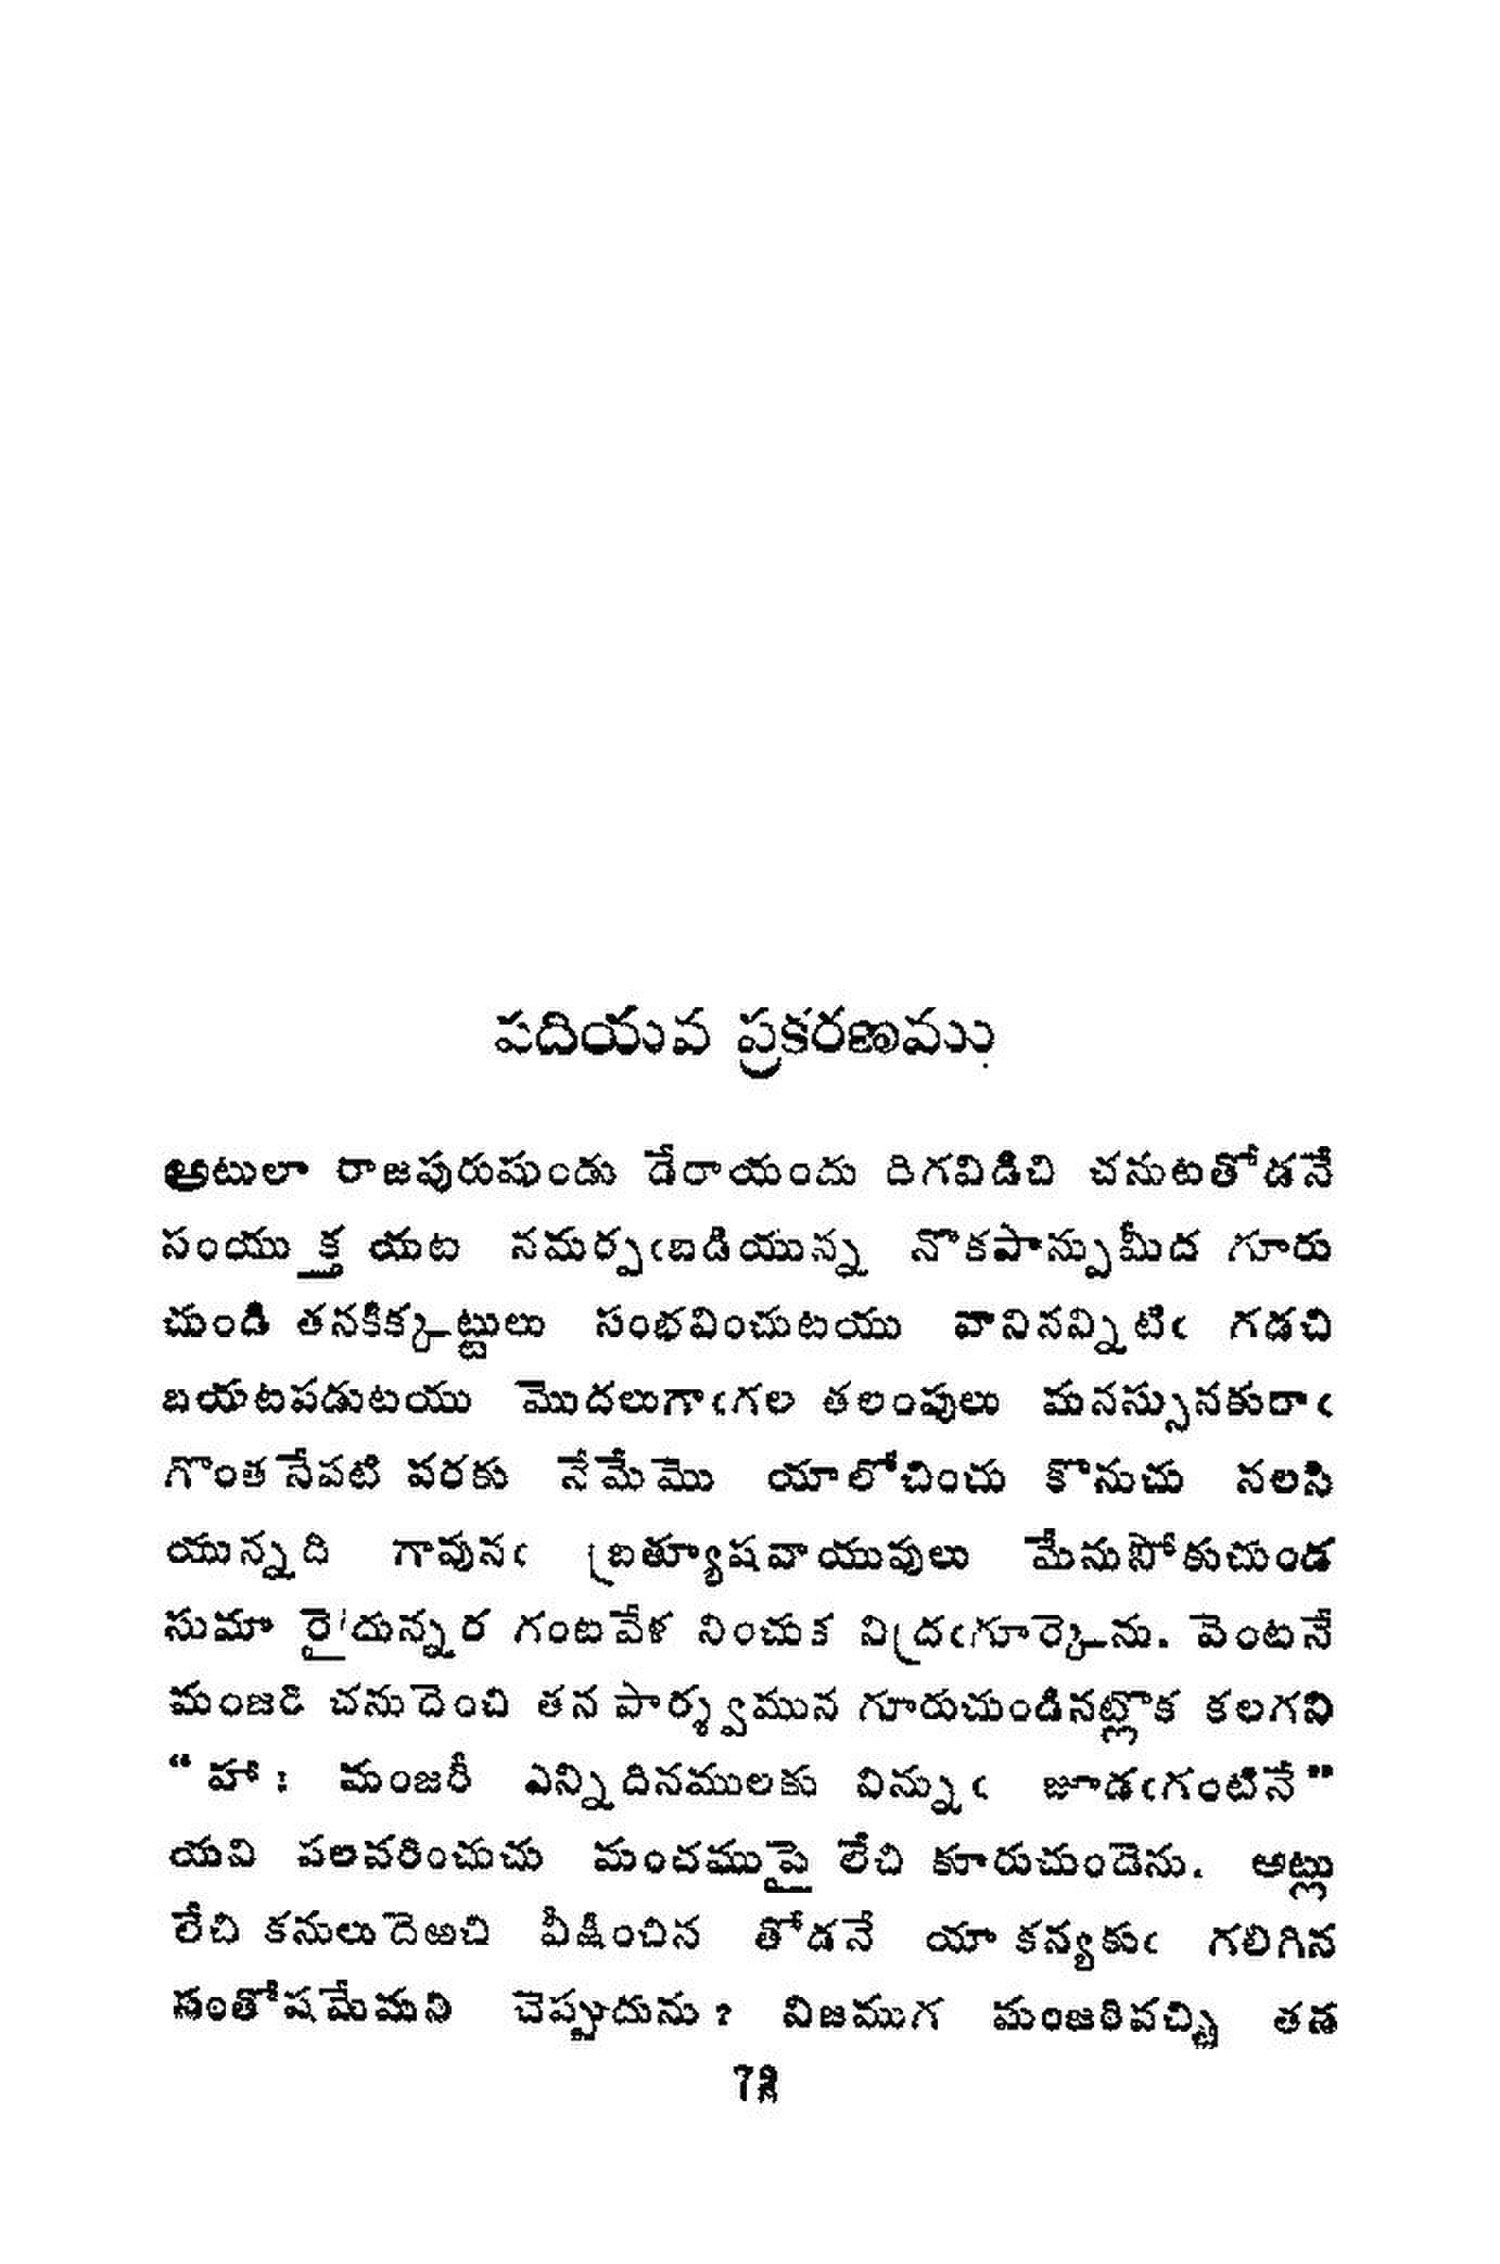పదియవ ప్రకరణము

టులా రాజపురుషుండు డేరాయందు దిగవిడిచి చనుటతోడనే సంయుక్త యట నమర్పఁబడియున్న నొకపాన్పుమీద గూరుచుండి తనకిక్కట్టులు సంభవించుటయు వానినన్నిటిఁ గడచి బయటపడుటయు మొదలుగాఁగల తలంపులు మనస్సునకురాఁ గొంతసేపటి వరకు నేమేమొ యాలోచించు కొనుచు నలసి యున్నది గావునఁ బ్రత్యూషవాయువులు మేనుసోకుచుండ సుమా రైదున్నర గంటవేళ నించుక నిద్రఁగూర్కెను. వెంటనే మంజరి చనుదెంచి తన పార్శ్వమున గూరుచుండినట్లొక కలగని “హా! మంజరీ ఎన్నిదినములకు నిన్నుఁ జూడఁగంటినే" యని పలవరించుచు మంచముపై లేచి కూరుచుండెను. అట్లు లేచి కనులుదెఱచి వీక్షించిన తోడనే యా కన్యకుఁ గలిగిన సంతోషమేమని చెప్పుదును? నిజముగ మంజరివచ్చి తన